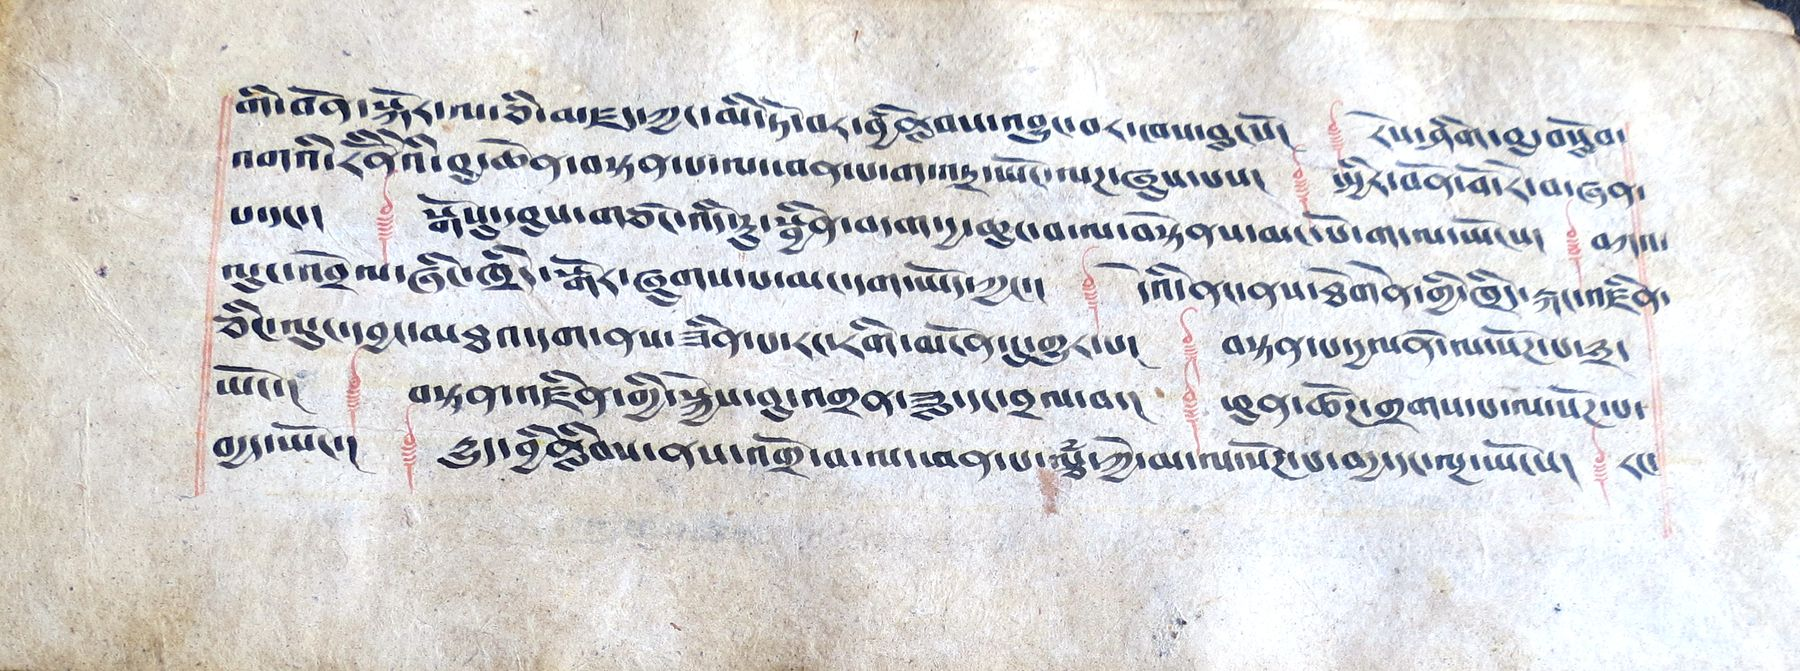གི་བོན་སྐོར་ལ་ཅི་མཛད་ཀྱང་མི་ལྟོ་བར་བྱིན་རླབས་འབྱུང་བར་ཁས་བླངས་སོ། ། རེས་ཤིག་བུ་སློབ་
འགའ་ཡིས་རིན་པོ་ཆེའི་བུ་ཆེན་བསྟན་པ་ལ་ཕན་པ་ག་འདྲ་ཡོང་ལགས་ཞུས་པས། སྤྱིར་བོན་པོ་རེ་བ་ཞན་
པ་དང་། སྒོས་སུ་དབུས་གཙང་འདི་རུ་སྦྱིན་བདག་རྒྱ་ཆུང་བ་ལ་བརྟེན་ནས་མང་པོ་ག་ལ་ཡོང་། བཀའ་
ལུང་འབྲེལ་ཞིང་ཁྲིད་སྒོར་ཞུགས་པ་མང་དག་ཡོད་ཀྱང་། དེའི་ནང་ནས་ཐེག་ཆེན་གྱི་ཁྲིད་རྐང་འཛིན་
ཅིང་ལུང་དབྱང་མཐའ་དག་ནས་ཟིན་པ་རང་རིག་མངོན་དུ་གྱུར་པ། བསྟན་པ་རྒྱལ་མཚན་ལ་སོགས་པ་གསུམ་
ཡོང་། བསྟན་འཛིན་གྱི་སྐྱེས་བུ་འགྲན་ཟླ་དང་བྲལ་བ། ཕུན་ཚོགས་གྲགས་པ་ལ་སོགས་པ་
བརྒྱད་ཡོང་། རྒྱུད་བྱིན་གྱིས་བརླབས་ནས་འགྲོ་བ་ལ་ཕན་པ་ལྕམ་ཀྱེ་མ་ལ་སོགས་པ་བརྒྱ་དང་ལྔ་ཡོང་། རང་